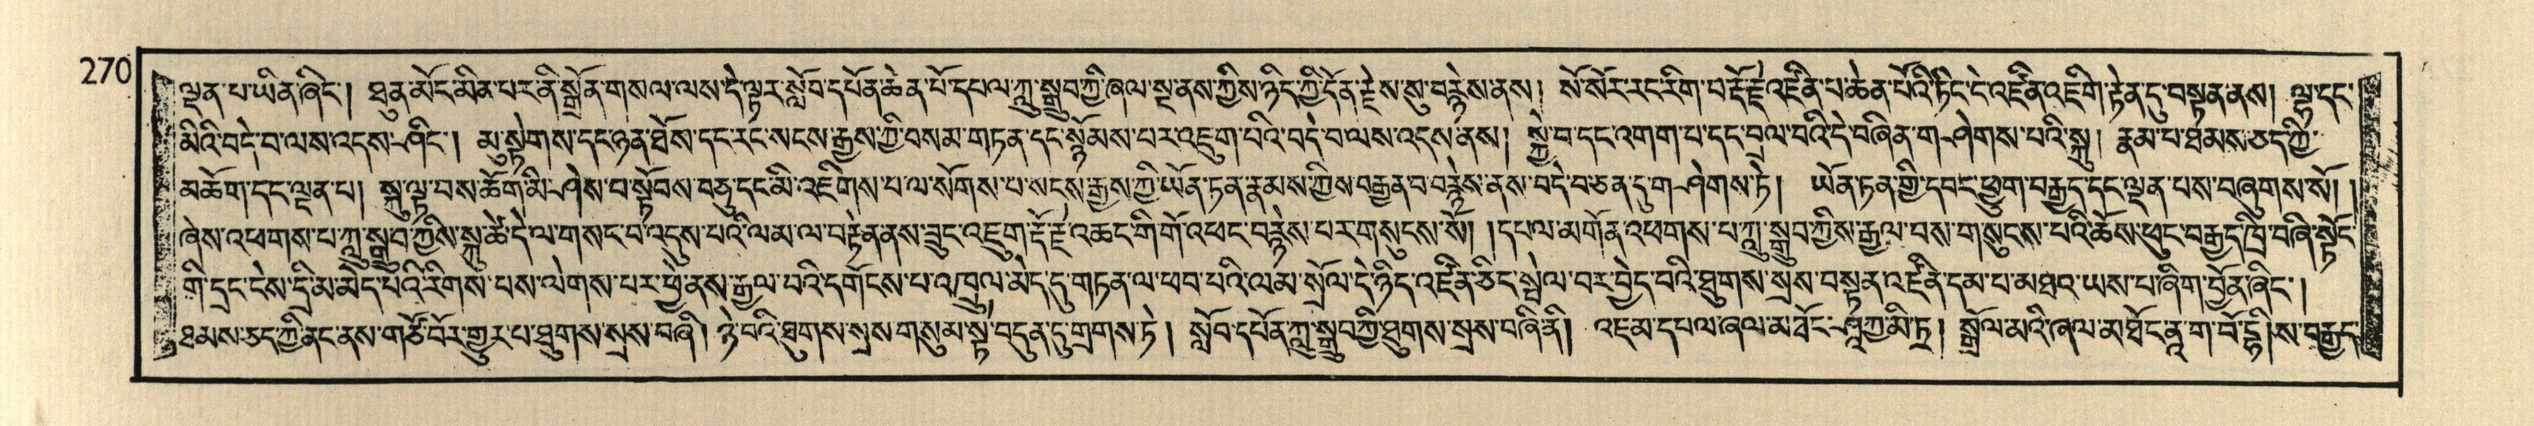ལྡན་པ་ཡིན་ཞིང་། ཐུན་མོང་མིན་པར་ནི་སྒྲོན་གསལ་ལས་དེ་ལྟར་སློབ་དཔོན་ཆེན་པོ་དཔལ་ཀླུ་སྒྲུབ་ཀྱི་ཞལ་སྔ་ནས་ཀྱིས་ཉིད་ཀྱི་དོན་རྗེས་སུ་བརྙེས་ནས། སོ་སོར་རང་རིག་བ་རྡོ་རྗེ་འཛིན་པ་ཆེན་པོའི་ཏིང་ངེ་འཛིན་འཇིག་རྟེན་དུ་བསྟན་ནས། ལྷ་དང་
མིའི་བདེ་བ་ལས་འདས་ཤིང་། མུ་སྟེགས་དང་ཉན་ཐོས་དང་རང་སངས་རྒྱས་ཀྱི་བསམ་གཏན་དང་སྙོམས་པར་འཇུག་པའི་བདེ་བ་ལས་འདས་ནས། སྐྱེ་བ་དང་འགག་པ་དང་བྲལ་བའི་དེ་བཞིན་གཤེགས་པའི་སྐུ། རྣམ་པ་ཐམས་ཅད་ཀྱི་
མཆོག་དང་ལྡན་པ། སྐུ་ལྟ་བས་ཆོག་མི་ཤེས་པ་སྟོབས་བཅུ་དང་མི་འཇིགས་པ་ལ་སོགས་པ་སངས་རྒྱས་ཀྱི་ཡོན་ཏན་རྣམས་ཀྱིས་བརྒྱན་བ་བརྙེས་ནས་བདེ་བ་ཅན་དུ་གཤེགས་ཏེ། ཡོན་ཏན་གྱི་དབང་ཕྱུག་བརྒྱད་དང་ལྡན་པས་བཞུགས་སོ། །
ཞེས་འཕགས་པ་ཀླུ་སྒྲུབ་ཀྱིས་སྐུ་ཚེ་དེ་ལ་གསང་བ་འདུས་པའི་ལམ་ལ་བརྟེན་ནས་ཟུང་འཇུག་རྡོ་རྗེ་འཆང་གི་གོ་འཕང་བརྙེས་པར་གསུངས་སོ། །དཔལ་མགོན་འཕགས་པ་ཀླུ་སྒྲུབ་ཀྱིས་རྒྱལ་བས་གསུངས་པའི་ཆོས་ཕུང་བརྒྱད་ཁྲི་བཞི་སྟོང་
གི་དྲང་ངེས་དྲི་མ་མེད་པའི་རིགས་པས་ལེགས་པར་ཕྱེ་ནས་རྒྱལ་པའི་དགོངས་པ་འཁྲུལ་མེད་དུ་གཏན་ལ་ཕབ་པའི་ལམ་སྲོལ་དེ་ཉིད་འཛིན་ཅིང་སྤེལ་བར་བྱེད་བའི་ཐུགས་སྲས་བསྟན་འཛིན་དམ་པ་མཐའ་ཡས་པ་ཞིག་བྱོན་ཞིང་།
ཐམས་ཅད་ཀྱི་ནང་ནས་གཙོ་བོར་གྱུར་པ་ཐུགས་སྲས་བཞི། ཉེ་བའི་ཐུགས་སྲས་གསུམ་སྟེ་བདུན་དུ་གྲགས་ཏེ། སློབ་དཔོན་ཀླུ་སྒྲུབ་ཀྱི་ཐུགས་སྲས་བཞི་ནི། འཇམ་དཔལ་ཞལ་མཐོང་ཤཱཀྱ་མི་ཏྲ། སྒྲོལ་མའི་ཞལ་མཐོང་ནཱ་ག་བོ་དྷི། ས་བརྒྱད་